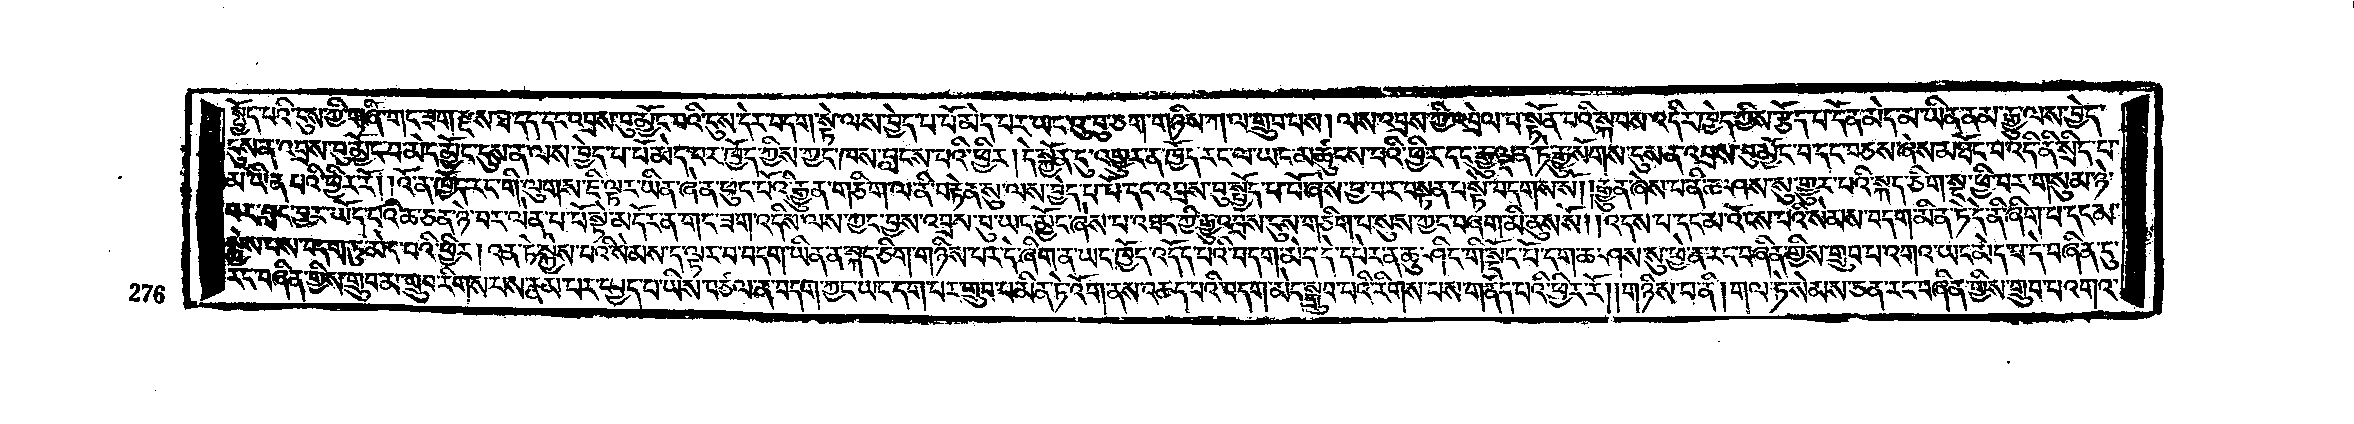སྤྱོད་པའི་དུས་ཀྱི་གཞི་གང་ཟག་རྫས་ཐ་དད་དང་འབྲས་བུ་མྱོང་བའི་དུས་དེར་བདག་སྟེ་ལས་བྱེད་པ་པོ་མེད་པར་ཡང་འུ་བུ་ཅག་གཉིས་ཀ་ལ་གྲུབ་པས། ལས་འབྲས་ཀྱི་འབྲེལ་པ་སྟོན་པའི་སྐབས་འདིར་ཁྱེད་ཀྱིས་རྩོད་པ་དོན་མེད་མ་ཡིན་ནམ་རྒྱུ་ལས་བྱེད་
དུས་ན་འབྲས་བུ་མྱོང་བ་མེད་མྱོང་དུས་ན་ལས་བྱེད་པ་པོ་མེད་པར་ཁྱོད་ཀྱིས་ཀྱང་ཁས་བླངས་པའི་ཕྱིར། དེ་སྐྱོན་དུ་འགྱུར་ན་ཁྱོད་རང་ལ་ཡང་མཚུངས་པའི་ཕྱིར་དང་རྒྱུ་ལྡན་ཏེ་རྒྱུ་སོགས་དུས་ན་འབྲས་བུ་མྱོང་བ་དང་བཅས་ཞེས་མཐོང་བ་འདི་ནི་སྲིད་པ་
མ་ཡིན་པའི་ཕྱིར་རོ། །འོ་ན་ཁྱོད་རང་གི་ལུགས་ཇི་ལྟར་ཡིན་ཞེ་ན་ཕུང་པོའི་རྒྱུན་གཅིག་ལ་ནི་བརྟེན་སུ་ལས་བྱེད་པ་པོ་དང་འབྲས་བུ་སྤྱོད་པ་པོ་ཞེས་བྱ་བར་བསྟན་པ་སྟེ་བདག་སོ། །རྒྱུན་ཞེས་པ་ནི་ཆ་ཤས་སུ་གྱུར་པའི་སྐད་ཅིག་སྔ་ཕྱི་བར་གསུམ་ཉེ་
བར་བླང་བྱར་ཡོད་པའི་ཆ་ཅན་ཉེ་བར་ལེན་པ་པོ་སྟེ་མདོར་ན་གང་ཟག་འདིས་ལས་ཀྱང་བྱས་འབྲས་བུ་ཡང་མྱོང་ཞེས་པ་འཐད་ཀྱི་རྒྱུ་འབྲས་དུས་གཅིག་པ་སུས་ཀྱང་བཞག་མི་ནུས་སོ། །འདས་པ་དང་མ་འོངས་པའི་སེམས་བདག་མིན་ཏེ་དེ་ནི་ཞིག་པ་དང་མ་
སྐྱེས་པས་བདག་ཏུ་མེད་པའི་ཕྱིར། འོན་ཏེ་སྐྱེས་པའི་སེམས་ད་ལྟར་བ་བདག་ཡིན་ན་སྐད་ཅིག་གཉིས་པར་དེ་ཞིག་ན་ཡང་ཁྱོད་འདོད་པའི་བདག་མེད་དེ་དཔེར་ན་ཆུ་ཤིང་གི་སྡོང་པོ་དག་ཆ་ཤས་སུ་ཕྱེ་ན་རང་བཞིན་གྱིས་གྲུབ་པ་འགའ་ཡང་མེད་པ་དེ་བཞིན་དུ་
རང་བཞིན་གྱིས་གྲུབ་མ་གྲུབ་རིགས་པས་རྣམ་པར་དཔྱད་པ་ཡིས་བཙལ་ན་བདག་ཀྱང་ཡང་དག་པར་གྲུབ་པ་མིན་ཏེ་འོག་ནས་འཆད་པའི་བདག་མེད་སྒྲུབ་པའི་རིགས་པས་གནོད་པའི་ཕྱིར་རོ། །གཉིས་པ་ནི། གལ་ཏེ་སེམས་ཅན་རང་བཞིན་གྱིས་གྲུབ་པ་འགའ་